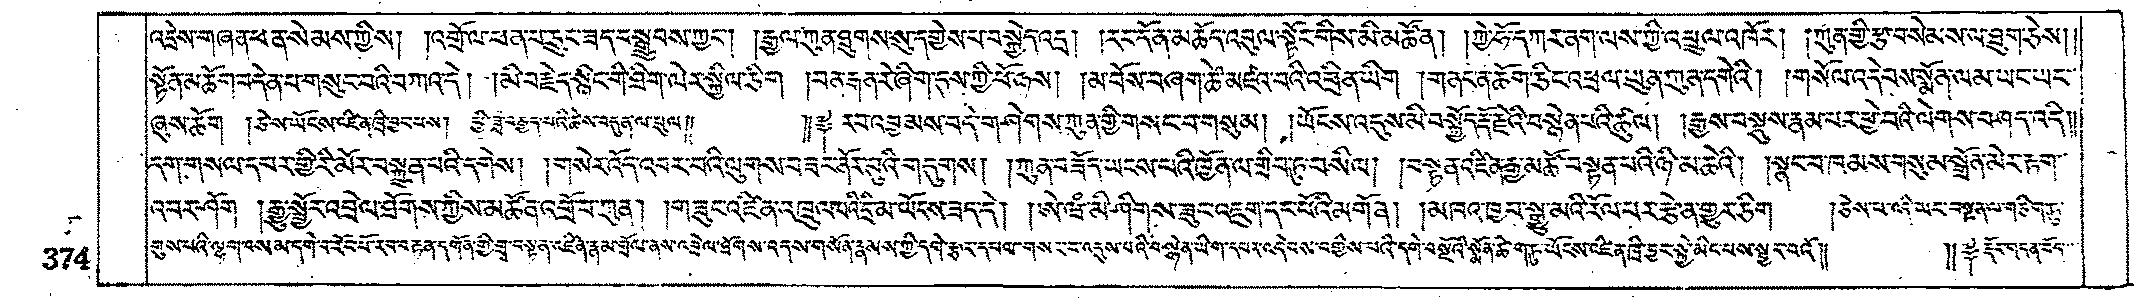འདྲེས་གཞན་ཕན་སེམས་ཀྱིས། །འགྲོ་ལ་ཕན་པ་ཅུང་ཟད་བསྒྲུབས་ཀྱང་། །རྒྱལ་ཀུན་ཐུགས་སུ་དགྱེས་པ་བསྐྱེད་འདྲ། །རང་དོན་མཆོད་འབུལ་སྟོང་གིས་མི་མཚོན། །ཀྱེ་ཧོ་དཀར་ནག་ལས་ཀྱི་འཕྲུལ་འཁོར། །ཀུན་གྱི་རྩ་བ་སེམས་ལ་ཐུག་ཅེས།།
སྟོན་མཆོག་བདེན་པ་གསུང་བའི་བཀའ་དེ། །མི་བརྗེད་སྙིང་གི་ཐིག་ལེར་སྐྱིལ་ཅིག །བན་རྒན་རེ་ཞིག་དུས་ཀྱི་ཕོ་ཉས། །མ་བོས་བཞག་ཚེ་མཛའ་བའི་འཕྲིན་ཡིག །གནང་ན་ཆོག་ཅིང་འཕྲལ་ཡུན་ཀུན་དགེའི། །གསོལ་འདེབས་སྨོན་ལམ་ཡང་ཡང་་་
ཞུས་ཆོག་།ཅེས་ཡོངས་འཛིན་ཁྲི་བྱང་པས། ཕྱི་ཟླ་བརྒྱད་པའི་ཚེས་བདུན་ལ་ཕུལ།། །། འ་རབ་འབྱམས་བདེ་གཤེགས་ཀུན་གྱི་གསང་བ་གསུམ། །ཡོངས་འདུས་མི་བསྐྱོད་རྡོ་རྗེའི་བསྙེན་པའི་ཚུལ། །རྒྱས་བསྡུས་རྣམ་པར་ཕྱེ་བའི་ལེགས་བཤད་འདི།།
དག་གསལ་དཔར་གྱི་རི་མོར་བསྐྲུན་པའི་དགེས། །གསེར་འོད་འབར་བའི་ལུགས་བཟང་ནོར་བུའི་གདུགས། །ཀུན་བཟོད་ཡངས་པའི་ཁྱོན་ལ་གྲིབ་ཏུ་བསིལ། །བསྟན་འཛིན་རྒྱ་མཚོ་བསྟན་པའི་ཉི་མ་ཆེའི། །སྣང་བ་ཁམས་གསུམ་སྒྲོན་མེར་རྟག་་་
འབར་ཤོག །རྒྱུ་སྦྱོར་འབྲེལ་ཐོགས་ཀྱིས་མཚོན་འགྲོ་བ་ཀུན། །གཟུང་འཛིན་འཁྲུལ་པའི་དྲི་མ་ཡོངས་ཟད་དེ། །ཨེ་ཝཾ་མི་ཤིགས་ཟུང་འཇུག་དང་པོའི་མགོན། །མཁའ་ཁྱབ་སྒྱུ་མའི་རོལ་པར་རྩེན་གྱུར་ཅིག །ཅེས་པ་འདི་ཡང་བསྟན་ལ་གཅིག་ཏུ་
གུས་པའི་ལྷག་བསམ་དགེ་བ་རོང་པོ་རབ་བརྟན་དགོན་གྱི་གྲྭ་བསྟན་འཛིན་རྣམ་གྲོལ་ནས་འབྲེལ་ཐོགས་འདས་གསོན་རྣམས་ཀྱི་དགེ་རྩར་དཔལ་གསང་བ་འདུས་པའི་བསྙེན་ཡིག་དཔར་འདེབས་བགྱིས་པའི་དགེ་བསྔོའི་སྨོན་ཚིག་ཏུ་ཡོངས་འཛིན་ཁྲི་བྱང་སྐྱེ་མིང་པས་སྦྱར་བའོ།། །།འ་རྡོར་གདན་བོད་་་